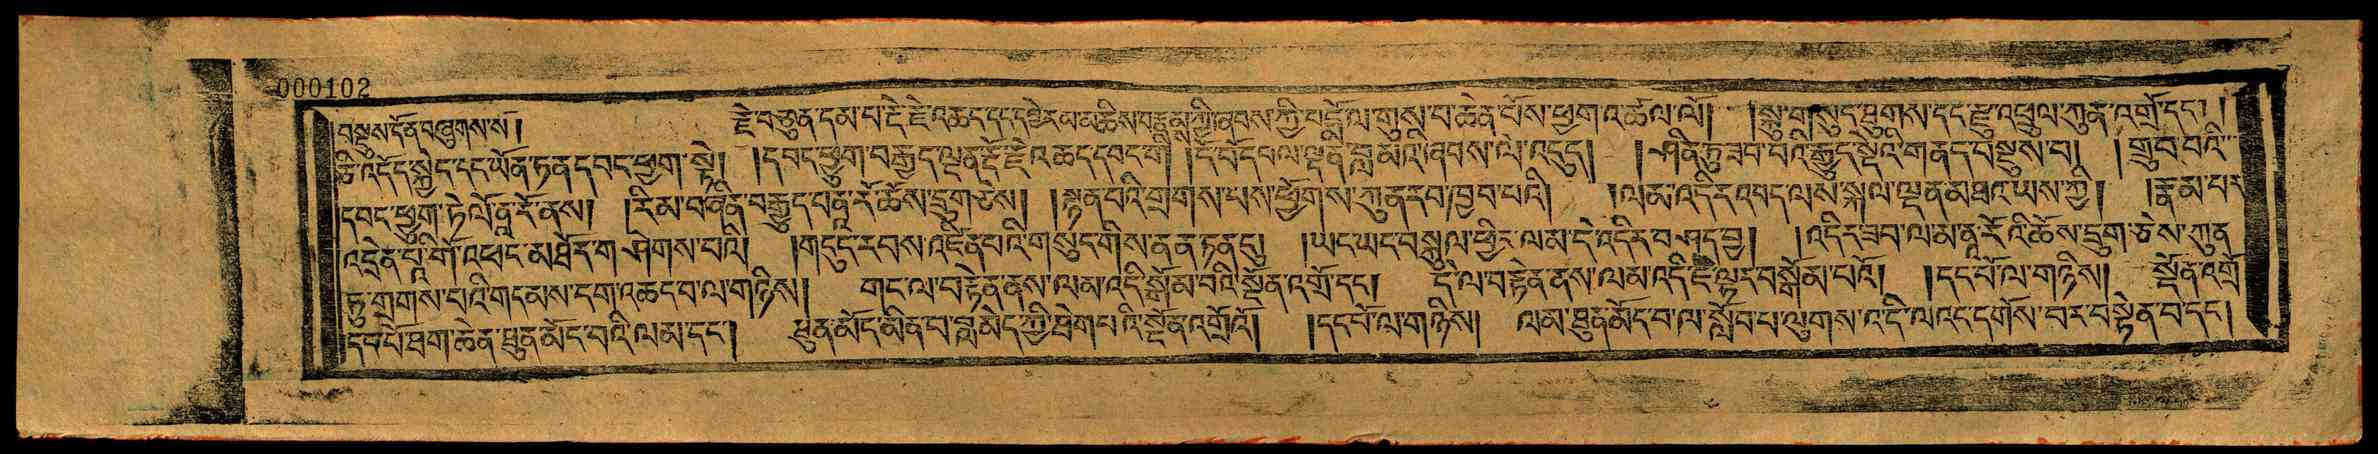བསྡུས་དོན་བཞུགས་སོ།། ༈ རྗེ་བཙུན་དམ་པ་རྡོ་རྗེ་འཆང་དང་དབྱེར་མ་མཆིས་བ་རྣམ་གྱི་ཞབས་ཀྱི་པདམོ་ལ་གུས་པ་ཆེན་པོས་ཕྱག་འཚལ་ལོ། །སྐུ་གསུང་ཐུགས་དང་རྫུ་འཕྲུལ་ཀུན་འགྲོ་དང་། །
ཅི་འདོད་སྐྱེད་དང་ཡོན་ཏན་དབང་ཕྱུག་སྟེ། །དབང་ཕྱུག་བརྒྱད་ལྡན་རྡོ་རྗེ་འཆང་དབང་གི །ངོ་བོ་དཔལ་ལྡན་བླ་མའི་ཞབས་ལ་འདུད། །ཤིན་ཏུ་ཟབ་པའི་རྒྱུད་སྡེའི་གནད་བསྡུས་པ། །གྲུབ་པའི་
དབང་ཕྱུག་ཏེ་ལོ་ནཱ་རོ་ནས། །རིམ་བཞིན་བརྒྱུད་པ་ནཱ་རོ་ཆོས་དྲུག་ཅེས། །སྙན་པའི་གྲགས་པས་ཕྱོགས་ཀུན་རབ་ཁྱབ་པའི། །ལམ་འདིར་འབད་ལས་སྐལ་ལྡན་མཐའ་ཡས་ཀྱི། །རྣམ་པར་
འདྲེན་པའི་གོ་འཕང་མཐོར་གཤེགས་པའི། །གདུང་རབས་འཛིན་པའི་གསུང་གིས་ནན་ཏན་དུ། །ཡང་ཡང་བསྐུལ་ཕྱིར་ལམ་དེ་འདིར་བཤད་བྱ། །འདིར་ཟབ་ལམ་ནཱ་རོའི་ཆོས་དྲུག་ཅེས་ཀུན་
ཏུ་གྲགས་པའི་གདམས་ངག་འཆད་པ་ལ་གཉིས། གང་ལ་བརྟེན་ནས་ལམ་འདི་སྒོམ་པའི་སྔོན་འགྲོ་དང་། དེ་ལ་བརྟེན་ནས་ལམ་འདི་ཇི་ལྟར་བསྒོམ་པའོ། །དང་པོ་ལ་གཉིས། སྔོན་འགྲོ་
དང་པོ་ཐེག་ཆེན་ཐུན་མོང་བའི་ལམ་དང་། ཐུན་མོང་མིན་པ་བླ་མེད་ཀྱི་ཐེག་པའི་སྔོན་འགྲོའོ། །དང་པོ་ལ་གཉིས། ལམ་ཐུན་མོང་བ་ལ་སློབ་པ་ལུགས་འདི་ལའང་དགོས་པར་བསྟན་པ་དང་།